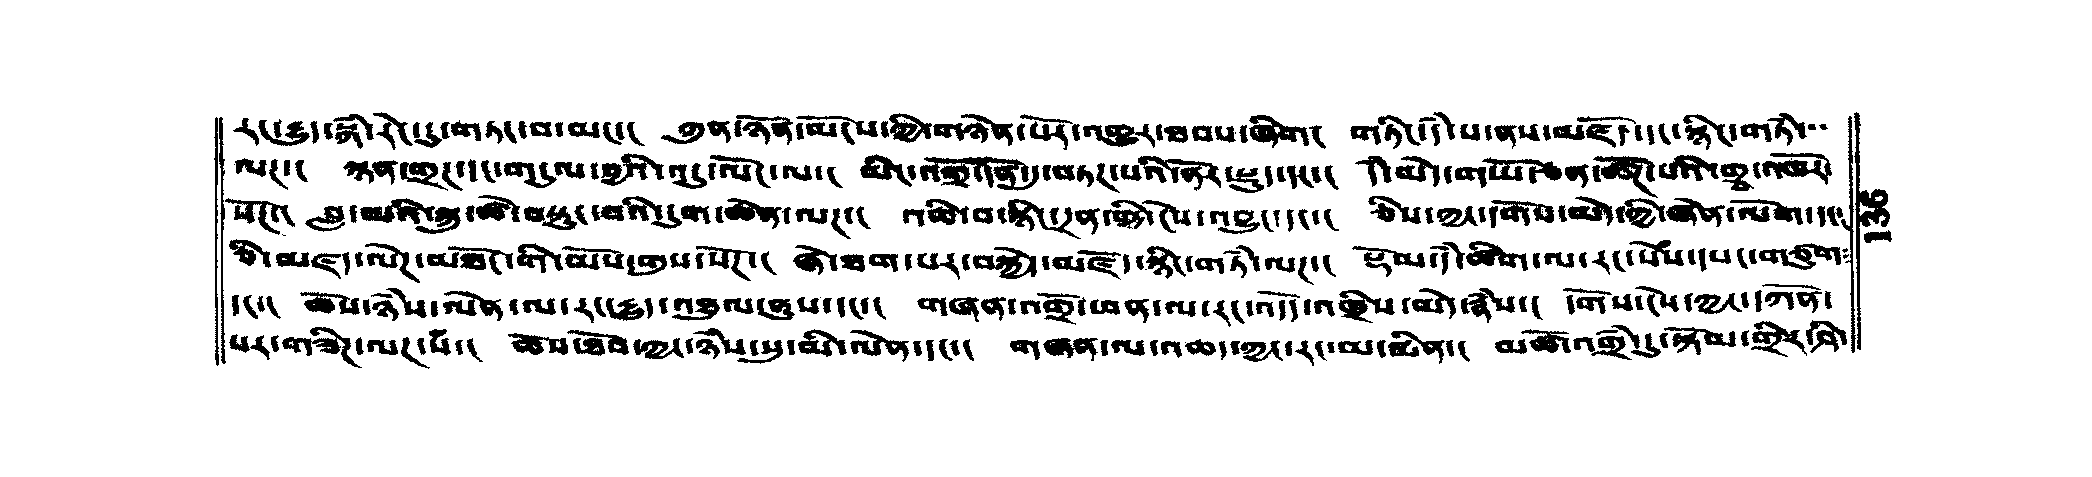།རང་རྒྱུད་སྐམ་རེངས་སུ་གཏང་བ་མང་། །ཀུན་ཉོན་མོངས་ཀྱི་གཉེན་པོར་འགྱུར་ཐབས་ཞིག །གཏིང་དམ་པ་ནས་མཛོད་དང་སྙིང་གཏམ་
ལགས། །སྙན་གྲགས་དང་གདུལ་བྱའི་འདུ་ལོང་ལ། །མིང་འགྲོ་དོན་དུ་བཏགས་པའི་ནོར་སྡུད་དང་། །དམ་མེད་གཡོ་ཅན་ཚོགས་པའི་གྲྭ་འཁོར་
སོགས། །བླ་མའི་སྐུ་ཚེ་བསྟུང་བའི་དུག་ཆེན་ལགས། །འཆི་བ་སྙིང་དྲན་གྱི་ངེས་འབྱུང་དང་། །ཅིས་ཀྱང་དགོས་མེད་ཀྱི་ཞེན་ལོག་དང་། །
ཅི་མཛད་ལེགས་མཐོང་གི་མོས་གུས་སོགས། །ཞེ་ཐག་པར་བསྐྱེད་མཛོད་སྙིང་གཏམ་ལགས། །སྡོམ་དམ་ཚིག་ལ་རང་སེམས་དཔང་གཙུག་
དང་། །ཆོས་ཉམས་ལེན་ལ་རང་རྒྱུད་འཐུལ་ནུས་དང་། །གཞན་འགྲོ་ཕན་ལ་རང་འདོད་འཁྲིས་མེད་རྣམས། །དགོས་ངེས་ཀྱང་དཀོན་
པར་གཟིགས་ལགས་སམ། །ཆོས་ཐོབ་ཀྱང་ཉམས་སུ་མི་ལེན་དང་། །གཞན་ལ་འཆད་ཀྱང་རང་མ་སྨིན། །མཚོ་འགྲམ་དུ་སྐོམ་གྲིར་ཤི་